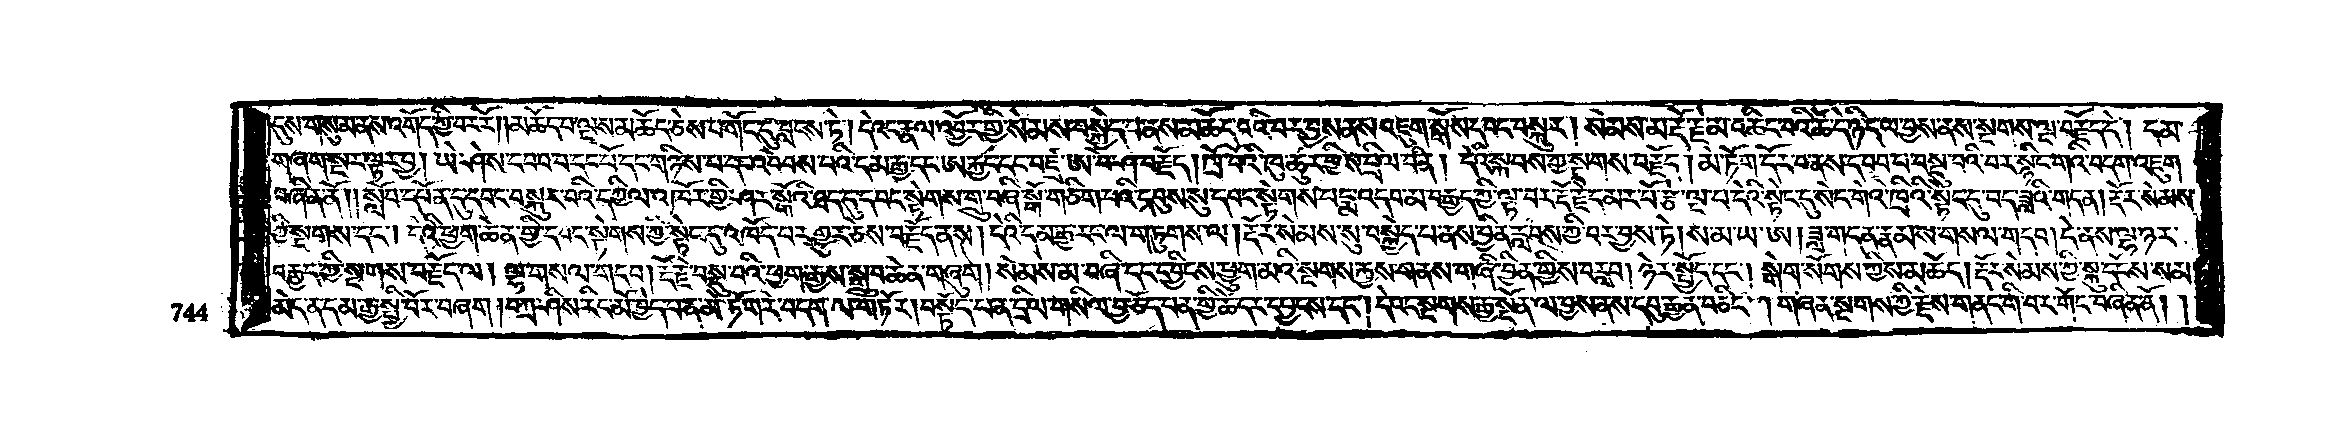དུས་གསུམ་ནས་འགོད་ཀྱི་བར་རོ། །མཆོད་པ་ལྔས་མཆོད་ཅེས་པ་གོང་དུ་བླངས་ཏེ། དེའང་རྣལ་འབྱོར་གྱི་སེམས་བསྐྱེད་པ་ནས་མཆོད་པའི་བར་བྱས་ནས་འཇུག་སྒོས་དབང་བསྐུར། སེམས་མ་རྡོ་རྗེ་མ་འཆིང་བའི་ཚེ་དེ་ཉིད་ལ་བྱས་ནས་སྔགས་ལྔ་བརྗོད་དེ། དམ་
གཞག་སྔར་ལྟར་བྱ། ཡེ་ཤེས་དབབ་བ་དང་པོ་དང་གཉིས་པ་དང་འབེབས་པའི་དམ་རྒྱ་དང་ཨ་རྐྱང་དང་བཛྲ་ཨ་བེ་ཤ་བརྗོད། ཁྲོ་བོའི་ཁུ་ཚུར་གྱིས་བྲིལ་བ་ནི། དེའི་སྐབས་ཀྱི་སྔགས་བརྗོད། མེ་ཏོག་དོར་བ་ནས་དབབ་པ་བསྡུ་བའི་བར་སྙིང་གའི་བདག་འཇུག་
བཞིན་ནོ། །སློབ་དཔོན་དུ་དབང་བསྐུར་བའི་དཀྱིལ་འཁོར་གྱི་ཤར་སྒོའི་ཐད་དུ་དབང་སྟེགས་གྲུ་བཞི་སྒོ་གཅིག་པའི་དབུས་སུ་དབང་སྟེགས་པདམ་འདབ་མ་བརྒྱད་ཀྱི་ལྟ་བར་རྡོ་རྗེ་དམར་པོ་རྩེ་ལྔ་པ་དེའི་སྟེང་དུ་སེང་གེའི་ཁྲིའི་སྟེང་དུ་པད་ཟླའི་གདན། རྡོར་སེམས་
ཀྱི་སྔགས་དང་། དེའི་ཕྱག་ཆེན་གྱི་དབང་སྟེགས་ཀྱི་སྟེང་དུ་འཁོད་པར་གྱུར་ཅེས་བརྗོད་ནས། དེའི་དམ་རྒྱ་རང་ལ་གཏུགས་ལ། རྡོར་སེམས་སུ་བསྐྱེད་པ་ནས་བྱིན་རླབས་ཀྱི་བར་བྱས་ཏེ། ས་མ་ཡ་ཨ། ཟླ་གདན་རྣམས་གསལ་གདབ། དེ་ནས་ལྷ་ཉར་
བརྒྱད་ཀྱི་སྔགས་བརྗོད་ལ། ལྷ་གསལ་གདབ། རྡོ་རྗེ་བསྡུ་བའི་ཕྱག་རྒྱས་སྒྲུབ་ཆེན་གཞུག །སེམས་མ་བཞི་དང་དབྱིངས་ཕྱུག་མའི་སྔགས་རྒྱས་གནས་གཞི་བྱིན་གྱིས་བརླབ། ཉེར་སྤྱོད་དང་། སྒེག་སོགས་ཀྱིས་མཆོད། རྡོར་སེམས་ཀྱི་སྐུ་དངོས་སམ་
མེད་ན་དམ་རྒྱ་སྤྱི་བོར་བཞག །བཀྲ་ཤིས་རིང་མོ་བྱེད་པ་ན་མེ་ཏོག་རེ་བདག་ལ་གཏོར། བསྟོད་པ་ན་དྲིལ་གསིལ་བྱ་ཅོད་པན་གྱི་ཚེ་དར་དབྱངས་དང་། དེའང་སྔགས་རྒྱ་སྔོན་ལ་བྱས་ནས་དབུ་རྒྱན་བཅིང་།གཞན་སྔགས་ཀྱི་རྗེས་གནང་གི་བར་གོང་བཞིན་ནོ། །